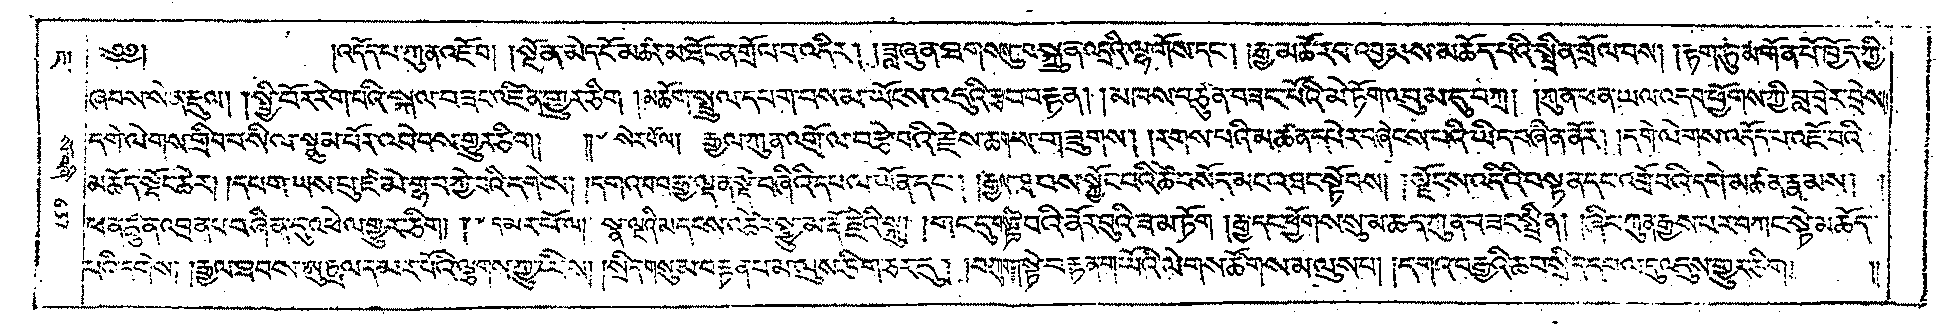༄༅། །འདོད་པ་ཀུན་འཇོ་བ། །སྔོན་མེད་ངོ་མཚར་མཐོང་ན་གྲོལ་བ་འདིར། །ཟླ་ཞུན་ཐགས་སུ་བསྐྲུན་འདྲའི་ལྷ་གོས་དང་། །རྒྱ་མཚོ་རབ་འབྱམས་མཆོད་པའི་སྤྲིན་གྲོལ་བས། །རྟག་ཏུ་མགོན་པོ་ཁྱོད་ཀྱི་
ཞབས་སེན་རྡུལ། །སྤྱི་བོར་རེག་པའི་སྐལ་བཟང་འཛིན་གྱུར་ཅིག །མཆོག་སྤྲུལ་དཔག་བསམ་ཡོངས་འདུའི་རྩ་བ་བརྟན། །མཁས་བཙུན་བཟང་པོའི་མེ་ཏོག་འབུམ་དུ་བཀྲ། །ཀུན་ཕན་ཡལ་འདབ་ཕྱོགས་ཀྱི་བླ་བྲེར་བྲེས།།
དགེ་ལེགས་གྲིབ་བསིལ་སྣུམ་པོར་འབེབས་གྱུར་ཅིག ། །།༧སེར་པོ་ལ།  རྒྱལ་ཀུན་འགྲོ་ལ་བརྩེ་བའི་རྗེས་ཆགས་གཟུགས། །རགས་པའི་མཚན་དཔེར་བཞེངས་པའི་ཡིད་བཞིན་ནོར། །དགེ་ལེགས་འདོད་པ་འཇོ་བའི་
མཆོད་སྡོང་ཆེར། །དཔག་ཡས་པུ་ཛ་མེ་གྷ་བཀྱེ་བའི་དགེས། །དགའ་བ་བརྒྱ་ལྡན་སྡེ་བཞིའི་དཔལ་ཡོན་དང་། །རྒྱལ་ཐབས་སྐྱོང་བའི་ཚེ་བསོད་མངའ་ཐང་སྟོབས། །ལྗོངས་འདིའི་བསྟན་དང་འགྲོ་བའི་དགེ་མཚན་རྣམས། །
ཕན་ཚུན་འགྲན་པ་བཞིན་དུ་འཕེལ་གྱུར་ཅིག ། །།༧དམར་པོ་ལ།  སྣ་ལྔའི་མདངས་འཚེར་སྒྱུ་མ་རྡོ་རྗེའི་སྐུ། །གང་དུ་བསྟི་བའི་ནོར་བུའི་ཟ་མ་ཏོག །རྒྱ་དང་ཕྱོགས་སུ་མ་ཆད་ཀུན་བཟང་སྤྲིན། །ཞིང་ཀུན་རྒྱས་པར་བཀང་སྟེ་མཆོད་
པའི་དགེས། །རྒྱལ་ཐབས་ཨུཏྤལ་དམར་པོའི་ལྕགས་ཀྱུ་ཡིས། །སྲིད་གསུམ་བརྟན་པ་མ་ལུས་ཅིག་ཅར་དུ། །བཀུག་སྟེ་བརྟན་གཡོའི་ལེགས་ཚོགས་མ་ལུས་པ། །དགའ་བརྒྱའི་ཆབ་སྲིད་དཔལ་དུ་འདུས་གྱུར་ཅིག ། །།